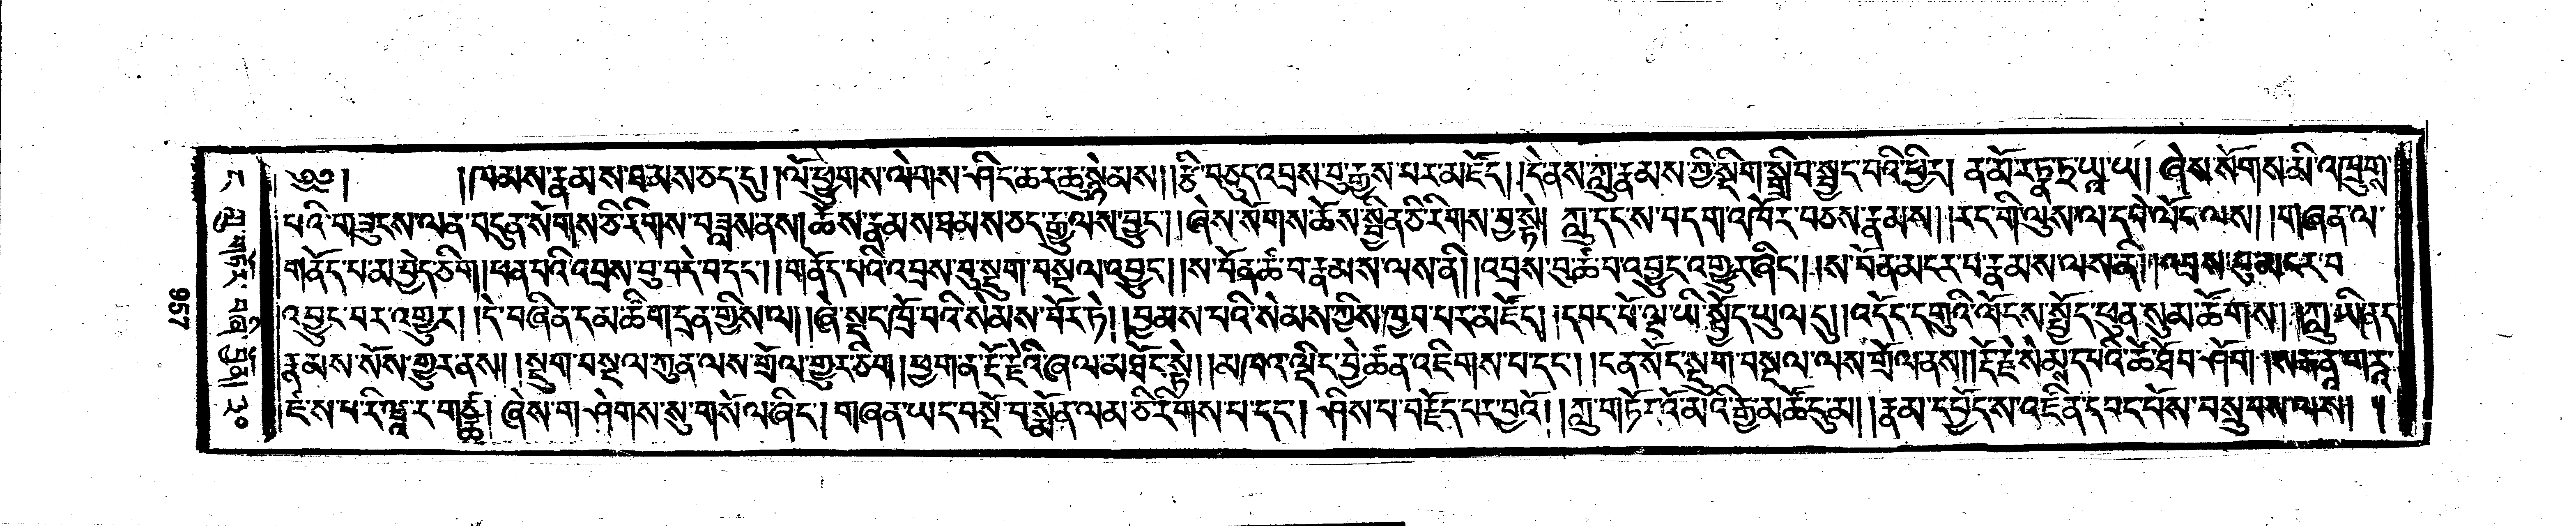༄༅། །ཁམས་རྣམས་ཐམས་ཅད་དུ། །ལོ་ཕྱུགས་ལེགས་ཤིང་ཆར་ཆུ་སྙེམས། །རྩི་བཅུད་འབྲས་བུ་རྒྱས་པར་མཛོད། །དེ་ནས་ཀླུ་རྣམས་ཀྱི་སྡིག་སྒྲིབ་སྦྱང་བའི་ཕྱིར། ན་མོ་རཏྣ་ཏྲ་ཡཱ་ཡ། ཞེས་སོགས་མི་འཁྲུགས་
པའི་གཟུངས་ལན་བདུན་སོགས་ཅི་རིགས་བཟླས་ནས། ཆོས་རྣམས་ཐམས་ཅད་རྒྱུ་ལས་བྱུང་། །ཞེས་སོགས་ཆོས་སྦྱིན་ཅི་རིགས་བྱ་སྟེ། ཀླུ་དང་ས་བདག་འཁོར་བཅས་རྣམས། །རང་གི་ལུས་ལ་དཔེ་ལོང་ལས། །གཞན་ལ་
གནོད་པ་མ་བྱེད་ཅིག །ཕན་པའི་འབྲས་བུ་བདེ་བ་དང་། །གནོད་པའི་འབྲས་བུ་སྡུག་བསྔལ་འབྱུང་། །ས་བོན་ཚ་བ་རྣམས་ལས་ནི། །འབྲས་བུ་ཚ་བ་འབྱུང་འགྱུར་ཞིང་། །ས་བོན་མངར་བ་རྣམས་ལས་ནི། །འབྲས་བུ་མངར་བ་
འབྱུང་བར་འགྱུར། །དེ་བཞིན་དམ་ཚིག་དྲན་གྱིས་ལ། །ཞེ་སྡང་ཁྲོ་བའི་སེམས་བོར་ཏེ། །བྱམས་པའི་སེམས་ཀྱིས་ཁྱབ་པར་མཛོད། །དབང་པོ་ལྔ་ཡི་སྤྱོད་ཡུལ་དུ། །འདོད་དགུའི་ལོངས་སྤྱོད་ཕུན་སུམ་ཚོགས། །ཀླུ་ཡི་ནད་
རྣམས་སོས་གྱུར་ནས། །སྡུག་བསྔལ་ཀུན་ལས་གྲོལ་གྱུར་ཅིག །ཕྱག་ན་རྡོ་རྗེའི་ཞལ་མཐོང་སྟེ། །མཁའ་ལྡིང་བྱེ་ཚན་འཇིགས་པ་དང་། །ངན་སོང་སྡུག་བསྔལ་ལས་གྲོལ་ནས། །རྡོ་རྗེ་སེམས་དཔའི་ཚེ་ཐོབ་ཤོག །སརྦ་ནཱ་ག་རཱ་
ཛ་ས་པ་རི་ཝཱ་རཱ་གཙྪ། ཞེས་གཤེགས་སུ་གསོལ་ཞིང་། གཞན་ཡང་བསྔོ་བ་སྨོན་ལམ་ཅི་རིགས་པ་དང་། ཤིས་པ་བརྗོད་པར་བྱའོ། །ཀླུ་གཏོར་འོ་མའི་རྒྱ་མཚོ་དུ་མ། །རྣམ་དཔྱོད་ས་འཛིན་དབང་པོས་བསྲུབས་ལས། །